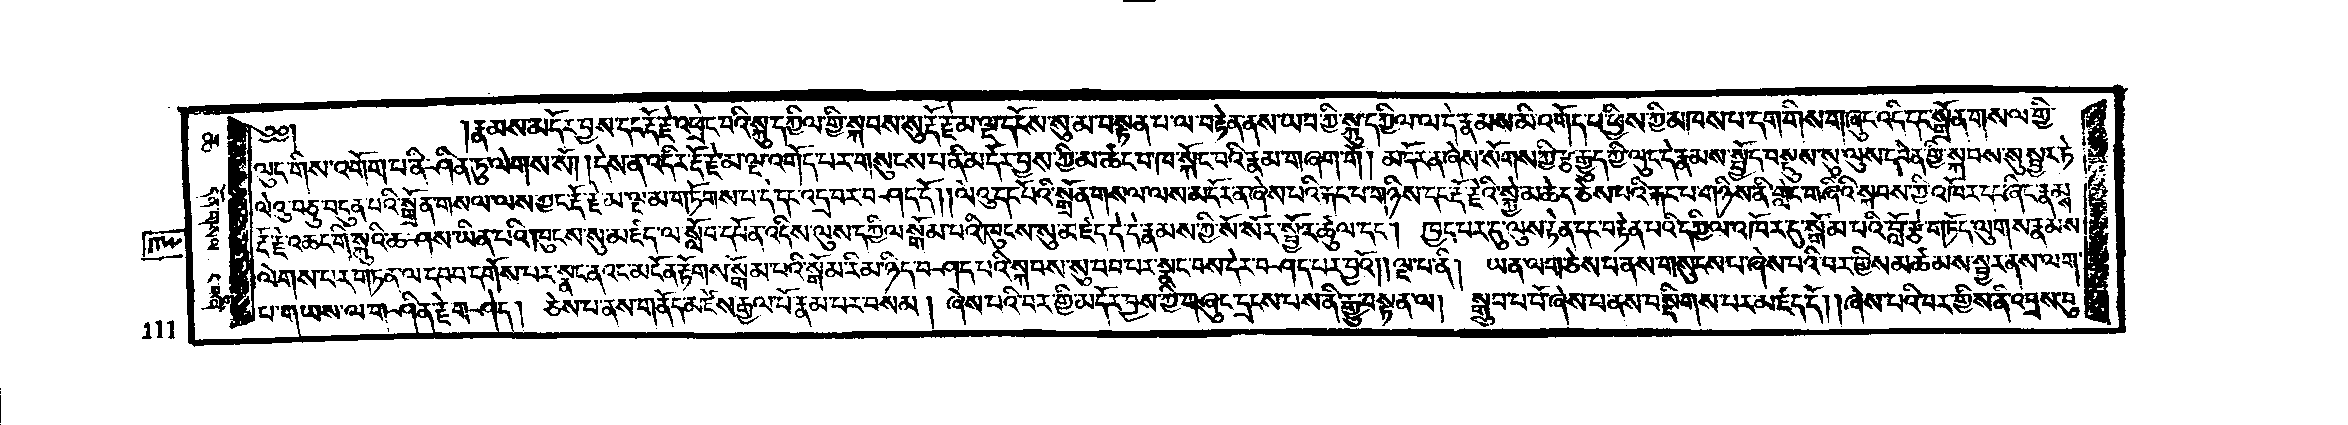༄༅། །རྣམས་མདོར་བྱས་དང་རྡོ་རྗེ་འཕྲེང་བའི་སྐུ་དཀྱིལ་གྱི་སྐབས་སུ་རྡོ་རྗེ་མ་ལྔ་དངོས་སུ་མ་བསྟན་པ་ལ་བརྟེན་ནས་ཡབ་ཀྱི་སྐུ་དཀྱིལ་ལ་དེ་རྣམས་མི་འགོད་པ་ཕྱིས་ཀྱི་མཁས་པ་དག་གིས་གཞུང་འདི་དང་སྒྲོན་གསལ་གྱི་
ལུང་གིས་འགོག་པ་ནི་ཤིན་ཏུ་ལེགས་སོ། །དེས་ན་འདིར་རྡོ་རྗེ་མ་ལྔ་འགོད་པར་གསུངས་པ་ནི་མདོར་བྱས་ཀྱི་མ་ཚང་བ་ཁ་སྐོང་བའི་རྣམ་གཞག་གོ །མདོར་ན་ཞེས་སོགས་ཀྱི་རྩ་རྒྱུད་ཀྱི་ལུང་དེ་རྣམས་སྤྱོད་བསྡུས་སུ་ལུས་དབེན་གྱི་སྐབས་སུ་སྦྱར་ཏེ་
ལེའུ་བཅུ་བདུན་པའི་སྒྲོན་གསལ་ལས་ཀྱང་རྡོ་རྗེ་མ་ལྔ་མ་གཏོགས་པ་དེ་དང་འདྲ་བར་བཤད་དོ། །ལེའུ་དང་པོའི་སྒྲོན་གསལ་ལས་མདོར་ན་ཞེས་པའི་རྐང་པ་གཉིས་དང་རྡོ་རྗེའི་སྐྱེ་མཆེད་ཅེས་པའི་རྐང་པ་གཉིས་ནི་གླེང་གཞིའི་སྐབས་ཀྱི་འཁོར་དང་ཞིང་རྣམས་
རྡོ་རྗེ་འཆང་གི་སྐུའི་ཆ་ཤས་ཡིན་པའི་ཁུངས་སུ་མཛད་ལ་སློབ་དཔོན་འདིས་ལུས་དཀྱིལ་སྒོམ་པའི་ཁུངས་སུ་མཛད་དེ་དེ་རྣམས་ཀྱི་སོ་སོར་སྦྱོར་ཚུལ་དང་། ཁྱད་པར་དུ་ལུས་རྟེན་དང་བརྟེན་པའི་དཀྱིལ་འཁོར་དུ་སྒོམ་པའི་བློ་རྩེ་གཏོད་ལུགས་རྣམས་
ལེགས་པར་གཏན་ལ་དབབ་དགོས་པར་སྣང་ནའང་མངོན་རྟོགས་སྒོམ་པའི་སྒོམ་རིམ་ཉིད་བཤད་པའི་སྐབས་སུ་བབ་པར་སྣང་བས་དེར་བཤད་པར་བྱའོ། །ལྔ་པ་ནི། ཡན་ལག་ཅེས་པ་ནས་གསུངས་པ་ཞེས་པའི་བར་གྱིས་མཚམས་སྦྱར་ནས་ལག་
པ་གཡས་ལ་གཤིན་རྗེ་གཤེད། ཅེས་པ་ནས་གནོད་མཛེས་རྒྱལ་པོ་རྣམ་པར་བསམ། ཞེས་པའི་བར་གྱི་མདོར་བྱས་ཀྱི་གཞུང་དྲངས་པས་ནི་རྒྱུ་བསྟན་ལ། སྒྲུབ་པ་པོ་ཞེས་པ་ནས་བསྡིགས་པར་མཛད་དོ། །ཞེས་པའི་བར་གྱིས་ནི་འབྲས་བུ་